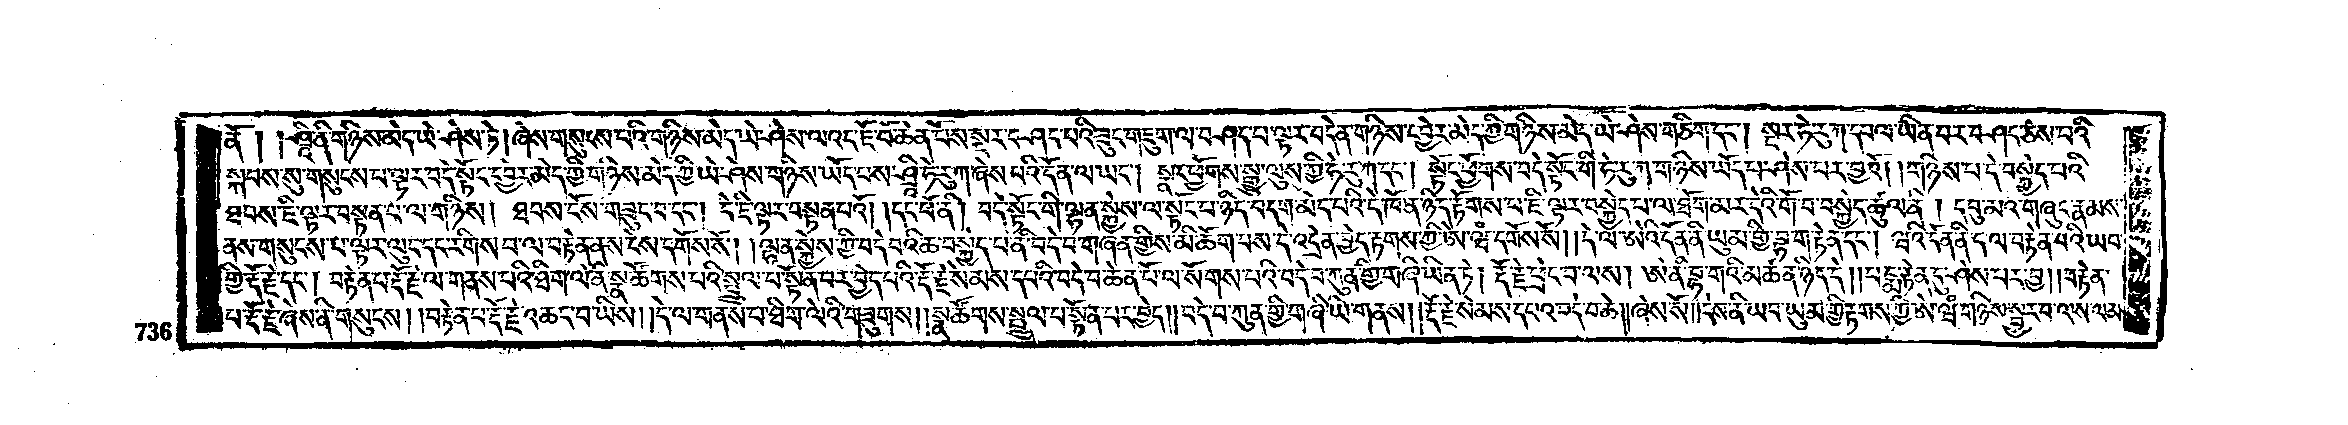ནོ། །ཤྲཱི་ནི་གཉིས་མེད་ཡེ་ཤེས་ཏེ། ཞེས་གསུངས་པའི་གཉིས་མེད་ཡེ་ཤེས་ལའང་ཇོ་བོ་ཆེན་པོས་སྔར་བཤད་པའི་ཟུང་གྗུག་ལ་བཤད་པ་ལྟར་བདེན་གཉིས་དབྱེར་མེད་ཀྱི་གཉིས་མེད་ཡེ་ཤེས་གཅིག་དང་། སྔར་ཧེ་རུ་ཀ་དཔལ་ཡིན་པར་བཤད་ཅེས་པའི་
སྐབས་སུ་གསུངས་པ་ལྟར་བདེ་སྟོང་དབྱེར་མེད་ཀྱི་གཉིས་མེད་ཀྱི་ཡེ་ཤེས་གཉིས་ཡོད་པས་ཤྲཱི་ཧེ་རུ་ཀ་ཞེས་པའི་དོན་ལ་ཡང་། སྣང་ཕྱོགས་སྒྱུ་ལུས་ཀྱི་ཧེ་རུ་ཀ་དང་། སྟོང་ཕྱོགས་བདེ་སྟོང་གི་ཧེ་རུ་ཀ་གཉིས་ཡོད་པ་ཤེས་པར་བྱའོ། །གཉིས་པ་དེ་བསྐྱེད་པའི་
ཐབས་ཇི་ལྟར་བསྟན་པ་ལ་གཉིས། ཐབས་ངོས་གཟུང་བ་དང་། དེ་ཇི་ལྟར་བསྟན་པའོ། །དང་པོ་ནི། བདེ་སྟང་གི་ལྷན་སྐྱེས་ལ་སྟོང་པ་ཉིད་བདག་མེད་པའི་དེ་ཁོ་ན་ཉིད་རྟོགས་པ་ཇི་ལྟར་བསྐྱེད་པ་ལ་ཐོགས་མར་དེའི་གོ་བ་བསྐྱེད་ཚུལ་ནི། དབུ་མའི་གཞུང་རྣམས་
ནས་གསུངས་པ་ལྟར་ལུང་དང་རིགས་པ་ལ་བརྟེན་ནས་ངེས་དགོས་སོ། །ལྷན་སྐྱེས་ཀྱི་བདེ་བའི་ཆ་བསྐྱེད་པ་ནི་བདེ་བ་གཞན་གྱིས་མི་ཆོག་པས་དེ་འདྲེན་བྱེད་རྟགས་ཀྱི་ཨེ་ཝཾ་དགོས་སོ། །དེ་ལ་ཨེའི་དོན་ནི་ཡུམ་གྱི་བྷ་ག་རྟེན་དང་། ཝའི་དོན་ནི་དེ་ལ་བརྟེན་པའི་ཡབ་
གྱི་རྡོ་རྗེ་དང་། བརྟེན་པ་རྡོ་རྗེ་ལ་གནས་པའི་ཐིག་ལེ་ནི་སྣ་ཚོགས་པའི་སྤྲུལ་པ་སྟོན་པར་བྱེད་པའི་རྡོ་རྗེ་སེམས་དཔའི་བདེ་བ་ཆེན་པོ་ལ་སོགས་པའི་བདེ་བ་ཀུན་གྱི་གཞི་ཡིན་ཏེ། རྡོ་རྗེ་ཕྲེང་བ་ལས། ཨེ་ནི་བྷ་གའི་མཚན་ཉིད་དེ། །པདམ་རྟེན་དུ་ཤེས་པར་བྱ། །བརྟེན་
པ་རྡོ་རྗེ་ད་?་ནི་གསུངས། །བརྟེན་པ་རྡོ་རྗེ་འཆང་བ་ཡིས། །དེ་ལ་གནས་པ་ཐིག་ལེའི་གཟུགས། །སྣ་ཚོགས་སྤྲུལ་པ་སྟོན་པར་བྱེད། །བདེ་བ་ཀུན་གྱི་གཞི་ཡི་གནས། །རྡོ་རྗེ་སེམས་དཔའ་བདེ་བ་ཆེ། །ཞེས་སོ། །དེས་ནི་ཡབ་ཡུམ་གྱི་རྟགས་ཀྱི་ཨེ་ཝཾ་གཉིས་སྦྱར་བ་ལས་ལམ་